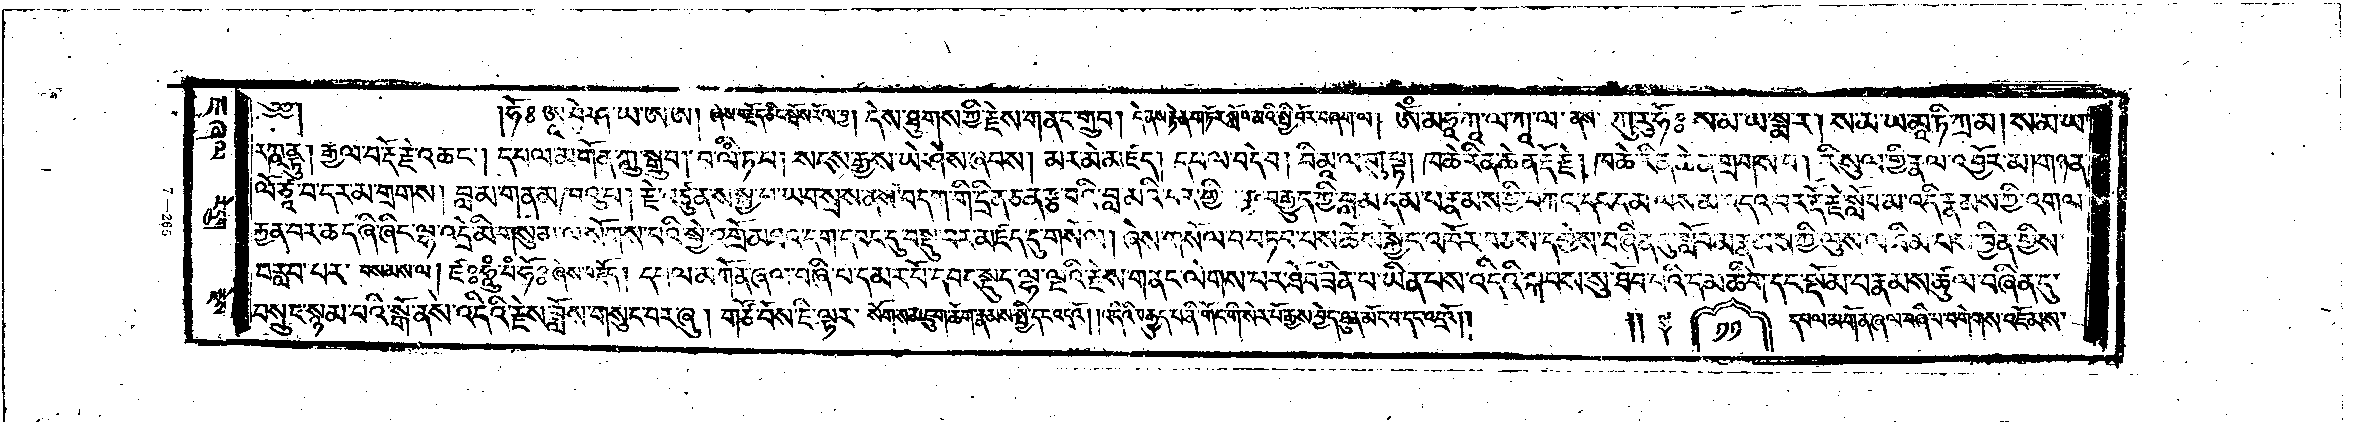༄༅། །ཧོཿཨཱ་བོ་ཤ་ཡ་ཨ་ཨ། ཞེས་བརྗོད་ཅིང་སྤོས་རོལ་བྱ།  དེས་ཐུགས་ཀྱི་རྗེས་གནང་གྲུབ། དེ་ནས་རྟེན་གཏོར་སློབ་མའི་སྤྱི་བོར་སློབ་མའི་སྤྱི་བོར་བཞག་ལ།  ཨོཾ་མྷཱ་ཀཱ་ལ་ཀཱ་ལ་ནས་ཀུ་རུ་ཧོཿས་མ་ཡ་སྨར། ས་མ་ཡ་མཱ་ཏི་ཀྲ་མ། ས་མ་ཡ་
རཀྵནྟུ། རྒྱལ་བ་རྡོ་རྗེ་འཆང་། དཔལ་མགོན་ཀླུ་སྒྲུབ། བ་ལི྾ཏ་པ། སངས་རྒྱས་ཡེ་ཤེས་ཞབས། མར་མེ་མཛད། དཔལ་བདེ་བ། བི་མཱ་ལ་གུཔྟ། ཁ་ཆེན་རིན་ཆེན་རྡོ་རྗེ། ཁ་ཆེ་རིན་ཆེན་གྲགས་པ། རི་སུལ་གྱི་རྣལ་འབྱོར་མཁོ་ཉན་
ལོ་ཙཱ་བ་དར་མ་གྲགས། བླ་མ་གནམ་ཁའུ་པ། རྗེ་བཙུན་ས་སྐྱ་བ་ཡབ་སྲས་ནས་བདག་གི་དྲིན་ཅན་རྩ་བའི་བླ་མའི་བར་གྱི་རྩ་བརྒྱུད་ཀྱི་བླ་མ་དམ་པ་རྣམས་ཀྱི་བཀའ་དང་དམ་ལས་མ་འདའ་བར་རྡོ་རྗེ་སློབ་མ་འདི་རྣམས་ཀྱི་འགལ་
རྐྱེན་པར་ཆད་ཞི་ཞིང་ལྷ་འདྲེ་མི་གསུམ་ལ་སོགས་པའི་སྐྱེ་འགྲོ་མཐའ་དག་དབང་དུ་བསྡུ་བར་མཛད་དུ་གསོལ། ཞེས་གསོལ་བ་བཏབ་པས་ཆོས་སྐྱོང་འཁོར་བཅས་དགྱེས་བཞིན་དུ་སློབ་མ་རྣམས་ཀྱི་ལུས་ལ་ཐིམ་པས་བྱིན་གྱིས་
བརླབ་པར་བསམས་ལ།  ཛཿཧཱུཾ་བ྾་ཧོཿ ཞེས་བརྗོད།  དཔལ་མགོན་ཞལ་བཞི་པ་དམར་པོ་དབང་སྡུད་ལྷ་ལྔའི་རྗེས་གནང་ལེགས་པར་ཐོབ་ཟིན་པ་ཡིན་པས་འདིའི་སྐབས་སུ་ཐོབ་པའི་དམ་ཚིག་དང་སྡོམ་པ་རྣམས་ཚུལ་བཞིན་དུ་
བསྲུང་སྙམ་པའི་སྒོ་ནས་འདིའི་རྗེས་ཟློས་གསུང་བར་ཞུ། གཙོ་བོས་ཇི་ལྟར་སོགས་མཇུག་ཆོག་རྣམས་སྤྱི་དང་འདྲའོ། །འདིའི་བརྒྱུད་པ་ནི་གོང་གི་སེར་པོ་རྒྱས་བྱེད་ཐུན་མོང་བ་དང་འདྲའོ།། །། ༈༼༽༡༡༼༽ དཔལ་མགོན་ཞལ་བཞི་པ་འགེགས་འཇོམས་